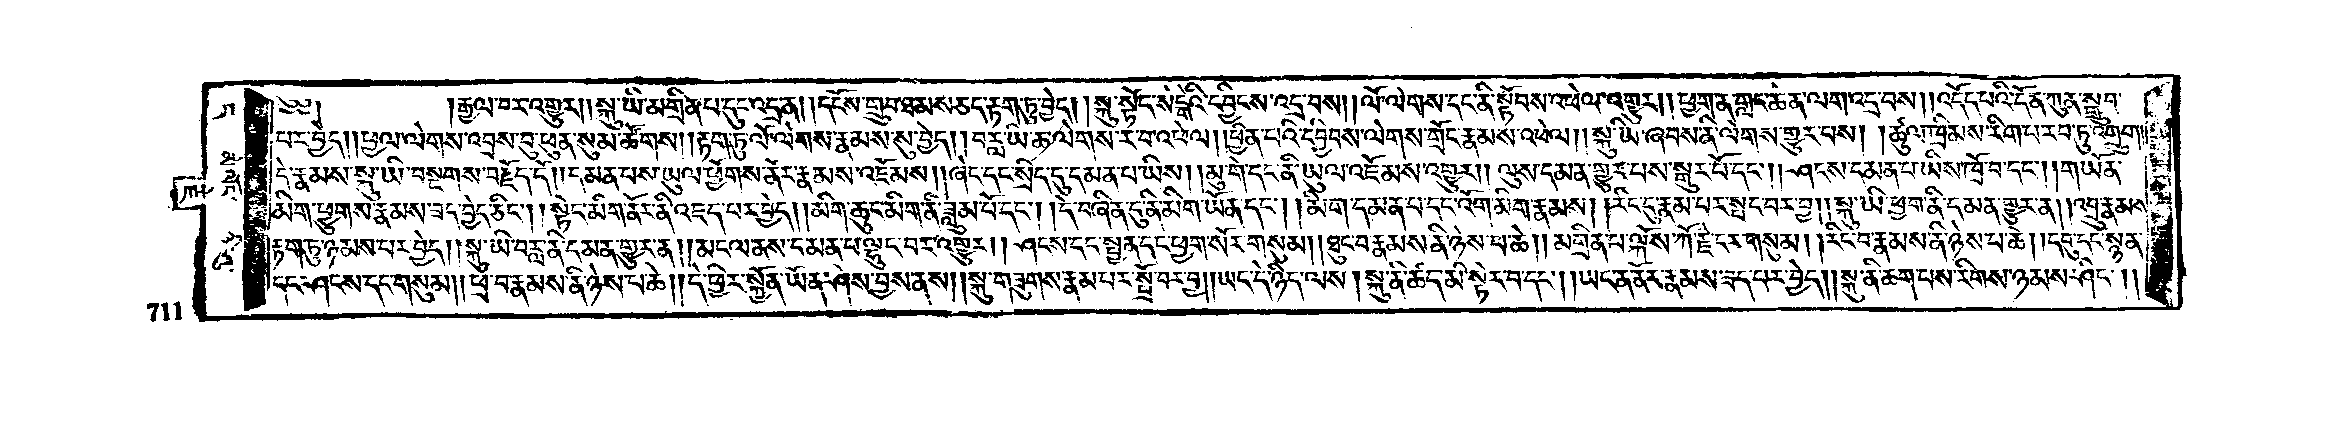༄༅། །རྒྱལ་བར་འགྱུར། །སྐུ་ཡི་མགྲིན་པ་དུང་འདྲ་ན། །དངོས་གྲུབ་ཐམས་ཅད་རྟག་ཏུ་བྱེད། །སྐུ་སྟོད་སེངྒེའི་དབྱིངས་འདྲ་བས། །ལོ་ལེགས་དང་ནི་སྟོབས་འཕེལ་འགྱུར། །ཕྱག་ན་གླང་ཆེན་ལག་འདྲ་བས། །འདོད་པའི་དོན་ཀུན་སྒྲུབ་
པར་བྱེད། །ཕྱལ་ལེགས་འབྲས་བུ་ཕུན་སུམ་ཚོགས། །རྟག་ཏུ་ལོ་ལེགས་རྣམས་སུ་བྱེད། །བརླ་ཡི་ཆ་ལེགས་ར་བ་འཕེལ། །ཕྱིན་པའི་དབྱིབས་ལེགས་གྲོང་རྣམས་འཕེལ། །སྐུ་ཡི་ཞབས་ནི་ལེགས་གྱུར་པས། །ཚུལ་ཁྲིམས་རིག་པ་རབ་ཏུ་འགྲུབ། །
དེ་རྣམས་སྐུ་ཡི་བསྔགས་བརྗོད་དོ། །དམན་པས་ཡུལ་ཕྱོགས་ནོར་རྣམས་འཇོམས། །ཞེང་དང་སྲིད་དུ་དམན་པ་ཡིས། །མུ་གེ་དང་ནི་ཡུལ་འཇོམས་འགྱུར། །ལུས་དམན་གྱུར་པས་སྒུར་པོ་དང་། །ཤངས་དམན་པ་ཡིས་ཁྲོ་བ་དང་། །གཡོན་
མིག་ཕྱུགས་རྣམས་ཟད་བྱེད་ཅིང་། །སྟེང་མིག་ནོར་ནི་འཇད་པར་བྱེད། །མིག་ཆུང་མིག་ནི་ཟླུམ་པོ་དང་། །དེ་བཞིན་དུ་ནི་མིག་ཡོན་དང་། །མིག་དམན་པ་དང་འོག་མིག་རྣམས། །རིང་དུ་རྣམ་པར་སྤང་བར་བྱ། །སྐུ་ཡི་ཕྱག་ནི་དམན་གྱུར་ན། །འབྲུ་རྣམས་
རྟག་ཏུ་ཉམས་པར་བྱེད། །སྐུ་ཡི་བརླ་ནི་དམན་གྱུར་ན། །མངལ་ནས་དམན་པ་ལྷུང་བར་འགྱུར། །ཤངས་དང་སྤྱན་དང་ཕྱག་སོར་གསུམ། །ཐུང་བ་རྣམས་ནི་ཉེས་པ་ཆེ། །མགྲིན་པ་ལྐོས་ཀོ་རྗེ་ངར་གསུམ། །རིང་བ་རྣམས་ནི་ཉེས་པ་ཆེ། །དབུ་དང་སྙན་
དང་ཤངས་དང་གསུམ། །ཕྲ་བ་རྣམས་ནི་ཉེས་པ་ཆེ། །དེ་ཕྱིར་སྐྱོན་ཡོན་ཤེས་བྱས་ནས། །སྐུ་གཟུགས་རྣམ་པར་སྤྲོ་བར་བྱ། །ཡང་དེ་ཉིད་ལས། སྐུ་ནི་ཚད་མི་སྟེར་བ་དང་། །ཡང་ན་ནོར་རྣམས་ཟད་པར་བྱེད། །སྐུ་ནི་ཆག་པས་རིགས་ཉམས་ཤིང་། །